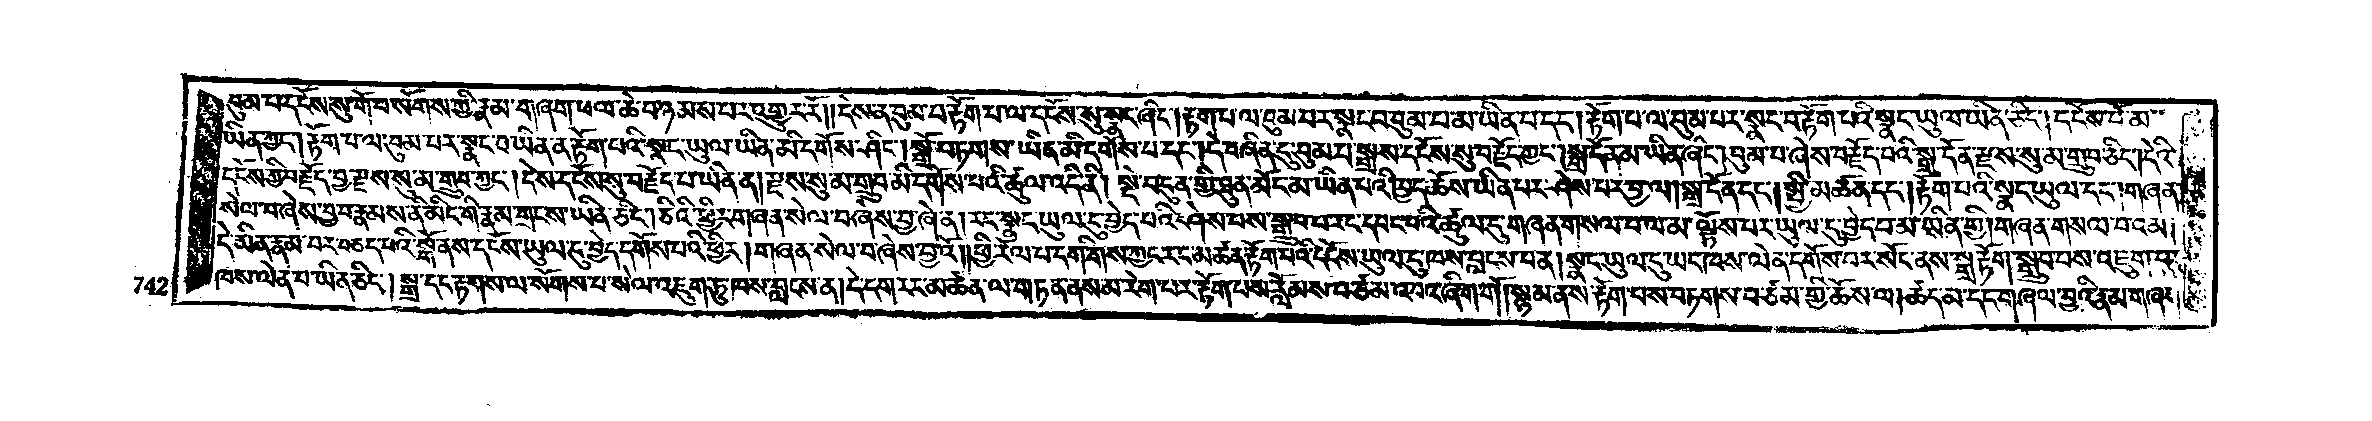བུམ་པ་དངོས་སུ་གོ་བ་སོགས་ཀྱི་རྣམ་གཞག་ཕལ་ཆེ་བ་ཉམས་པར་འགྱུར་རོ། །དེས་ན་བུམ་པ་རྟོག་པ་ལ་དངོས་སུ་སྣང་ཞིང་། རྟག་པ་ལ་བུམ་པར་སྣང་བ་བུམ་པ་མ་ཡིན་པ་དང་། རྟོག་པ་ལ་བུམ་པར་སྣང་བ་རྟོག་པའི་སྣང་ཡུལ་ཡིན་ཅིང་། དངོས་པོ་མ་
ཡིན་ཀྱང་། རྟོག་པ་ལ་བུམ་པར་སྣང་བ་ཡིན་ན་རྟོག་པའི་སྣང་ཡུལ་ཡིན་མི་དགོས་ཤིང་། སྒྲོ་བཏགས་ཡིན་མི་དགོས་པ་དང་། དེ་བཞིན་དུ་བུམ་པ་སྒྲས་དངོས་སུ་བརྗོད་ཀྱང་། སྒྲ་དོན་མ་ཡིན་ཞིང་། བུམ་པ་ཞེས་བརྗོད་པའི་སྒྲ་དོན་རྫས་སུ་མ་གྲུབ་ཅིང་། དེའི་
དངོས་ཀྱི་བརྗོད་བྱ་རྫས་སུ་མ་གྲུབ་ཀྱང་། དེས་དངོས་སུ་བརྗོད་པ་ཡིན་ན། རྫས་སུ་མ་གྲུབ་མི་དགོས་པའི་ཚུལ་འདི་ནི། སྡེ་བདུན་གྱི་ཐུན་མོང་མ་ཡིན་པའི་ཁྱད་ཆོས་ཡིན་པར་ཤེས་པར་བྱ་ལ། སྒྲ་དོན་དང་། སྤྱི་མཚན་དང་། རྟོག་པའི་སྣང་ཡུལ་དང་། གཞན་
སེལ་བ་ཞེས་བྱ་བ་རྣམས་ནི་མིང་གི་རྣམ་གྲངས་ཡིན་ཅིང་། ཅིའི་ཕྱིར་གཞན་སེལ་བ་ཞེས་བྱ་ཞེ་ན། རང་སྣང་ཡུལ་དུ་བྱེད་པའི་ཤེས་པས་སྒྲུབ་པ་རང་དབང་བའི་ཚུལ་དུ་གཞན་གསལ་བ་ལ་མ་ལྟོས་པར་ཡུལ་དུ་བྱེད་པ་མ་ཡིན་གྱི། གཞན་གསལ་བའམ།
དེ་མིན་རྣམ་པར་བཅད་པའི་སྒོ་ནས་དངོས་ཡུལ་དུ་བྱེད་དགོས་པའི་ཕྱིར། གཞན་སེལ་བ་ཞེས་བྱའོ། །ཕྱི་རོལ་པ་དག་གིས་ཀྱང་རང་མཚན་རྟོག་པའི་དངོས་ཡུལ་དུ་ཁས་བླངས་པ་ན། སྣང་ཡུལ་དུ་ཡང་ཁས་ལེན་དགོས་པར་སོང་ནས་སྒྲ་རྟོག་སྒྲུབ་པས་འཇུག་པར་
ཁས་ལེན་པ་ཡིན་ཅིང་། སྒྲ་དང་རྟགས་ལ་སོགས་པ་སེལ་འཇུག་ཏུ་ཁས་བླངས་ན། དེ་དག་རང་མཚན་ལ་གཏན་ནས་མ་རེག་པར་རྟོག་པས་རློམས་པ་ཙམ་འབའ་ཞིག་གོ། །སྙམ་ནས་རྟོག་པས་བཏགས་པ་ཙམ་གྱི་ཆོས་ལ། ཚད་མ་དང་གཞལ་བྱའི་རྣམ་གཞག་